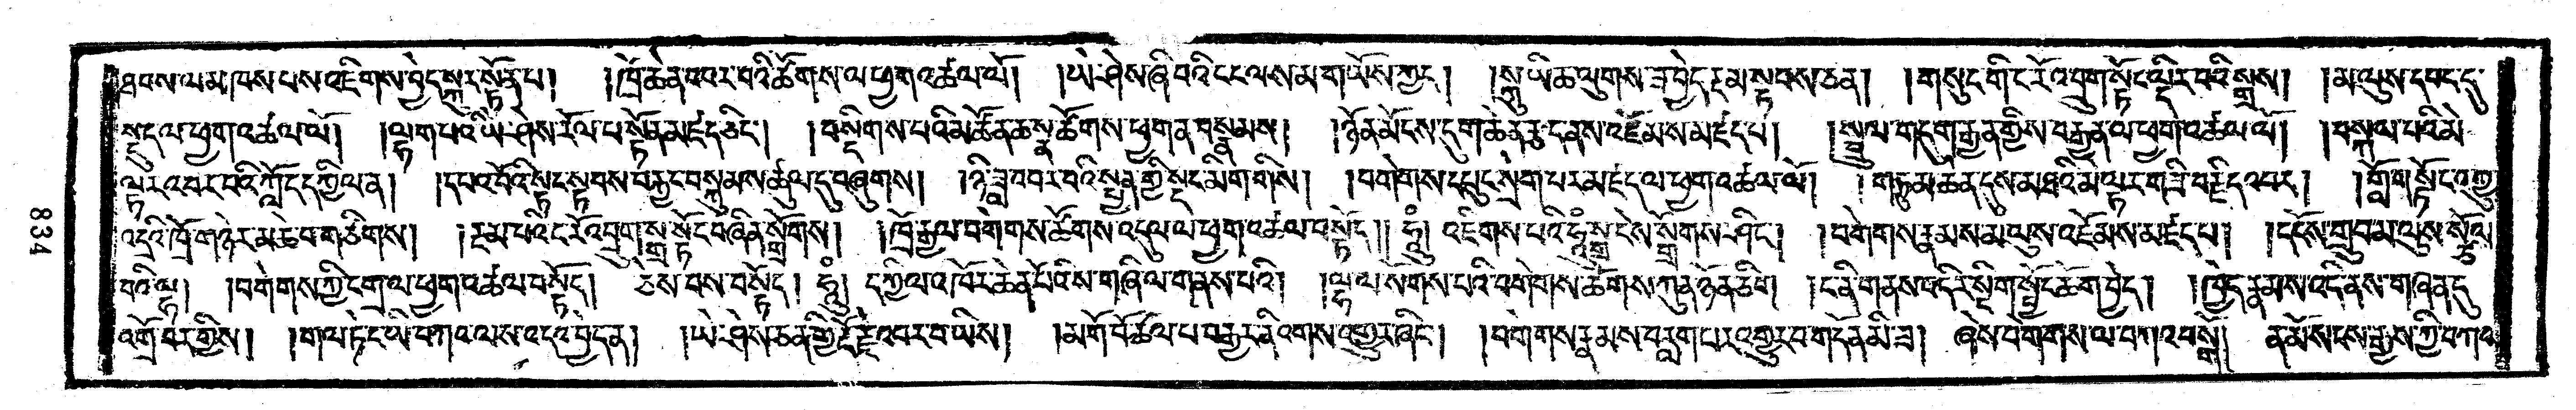ཐབས་ལམ་ཁས་པས་འཇིགས་བྱེད་སྐུར་སྟོན་པ། །ཁྲོ་ཆེན་འབར་བའི་ཚོགས་ལ་ཕྱག་འཚལ་ལོ། །ཡེ་ཤེས་ཞི་བའི་ངང་ལས་མ་གཡོས་ཀྱང་། །སྐུ་ཡི་ཆ་ལུགས་ཟ་བྱེད་རྡམ་སྟབས་ཅན། །གསུང་གི་ང་རོ་འབྲུག་སྟོང་ལྡིར་བའི་སྒྲས། །མ་ལུས་དབང་དུ་
སྡུད་ལ་ཕྱག་འཚལ་ལོ། །ལྷག་པའི་ཡེ་ཤེས་རོལ་པ་སྟོན་མཛད་ཅིང་། བསྡིགས་པའི་མཚོན་ཆ་སྣ་ཚོགས་ཕྱག་ན་བསྣམས། །ཉོན་མོངས་དུག་ཆེན་རྩད་ནས་འཇོམས་མཛད་པ། །སྦྲུལ་གདུག་རྒྱན་གྱིས་བརྒྱན་ལ་ཕྱག་འཚལ་ལོ། །བསྐལ་པའི་མེ་
ལྟར་འབར་བའི་ཀློད་དཀྱིལ་ན། །དཔའ་བོའི་སྟང་སྟབས་བརྐྱང་བསྐུམས་ཚུལ་དུ་བཞུགས། །ཉི་ཟླ་འབར་བའི་སྤྱན་གྱི་སྡང་མིག་གིས། །བགེགས་དཔུང་སྲེག་པར་མཛད་ལ་ཕྱག་འཚལ་ལོ། །གཏུམ་ཆེན་དུས་མཐའི་མེ་ལྟར་གཟི་བརྗིད་འབར། །གློག་སྟོང་འགྱུ་
འདྲའི་ཁྲོ་གཉེར་མཆེ་བ་གཅིགས། །རྔམ་པའི་ང་རོ་འབྲུག་སྒྲ་སྟོང་བཞིན་སྒྲོགས། །ཁྲོ་རྒྱལ་བགེགས་ཚོགས་འདུལ་ལ་ཕྱག་འཚལ་བསྟོད།། ཧཱུཾ། འཇིགས་པའི་ཧཱུཾ་སྒྲ་ངེས་སྒྲོགས་ཤིང་། །བགེགས་རྣམས་མ་ལུས་འཇོམས་མཛད་པ། །དངོས་གྲུབ་མ་ལུས་སྩོལ་
བའི་ལྷ། །བགེགས་ཀྱི་དགྲ་ལ་ཕྱག་འཚལ་བསྟོད། ཅེས་བས་བསྟོད། ཧཱུཾ། དཀྱིལ་འཁོར་ཆེན་པོའི་ས་གཞི་ལ་གནས་པའི། །ལྷ་ལ་སོགས་པའི་བགེགས་ཆོགས་ཀུན་ཉོན་ཅིག །ང་ནི་གནས་འདིར་སྡིག་སྦྱོང་ཆོག་བྱེད། །ཁྱེད་རྣམས་འདི་ནས་གཞན་དུ་
འགྲོ་བར་གྱིས། །གལ་ཏེ་ང་ཡི་བཀའ་ལས་འདའ་བྱེད་ན། །ཡེ་ཤེས་ཅན་གྱི་རྡོ་རྗེ་འབར་བ་ཡིས། །མགོ་བོ་ཚལ་པ་བརྒྱར་ནི་འགས་འགྱུར་ཞིང་། །བགེགས་རྣམས་བརླག་པར་འགྱུར་བ་གདོན་མི་ཟ། ཞེས་བགེགས་ལ་བཀའ་བསྒོ། ན་མོ་སངས་རྒྱས་ཀྱི་བཀའ་